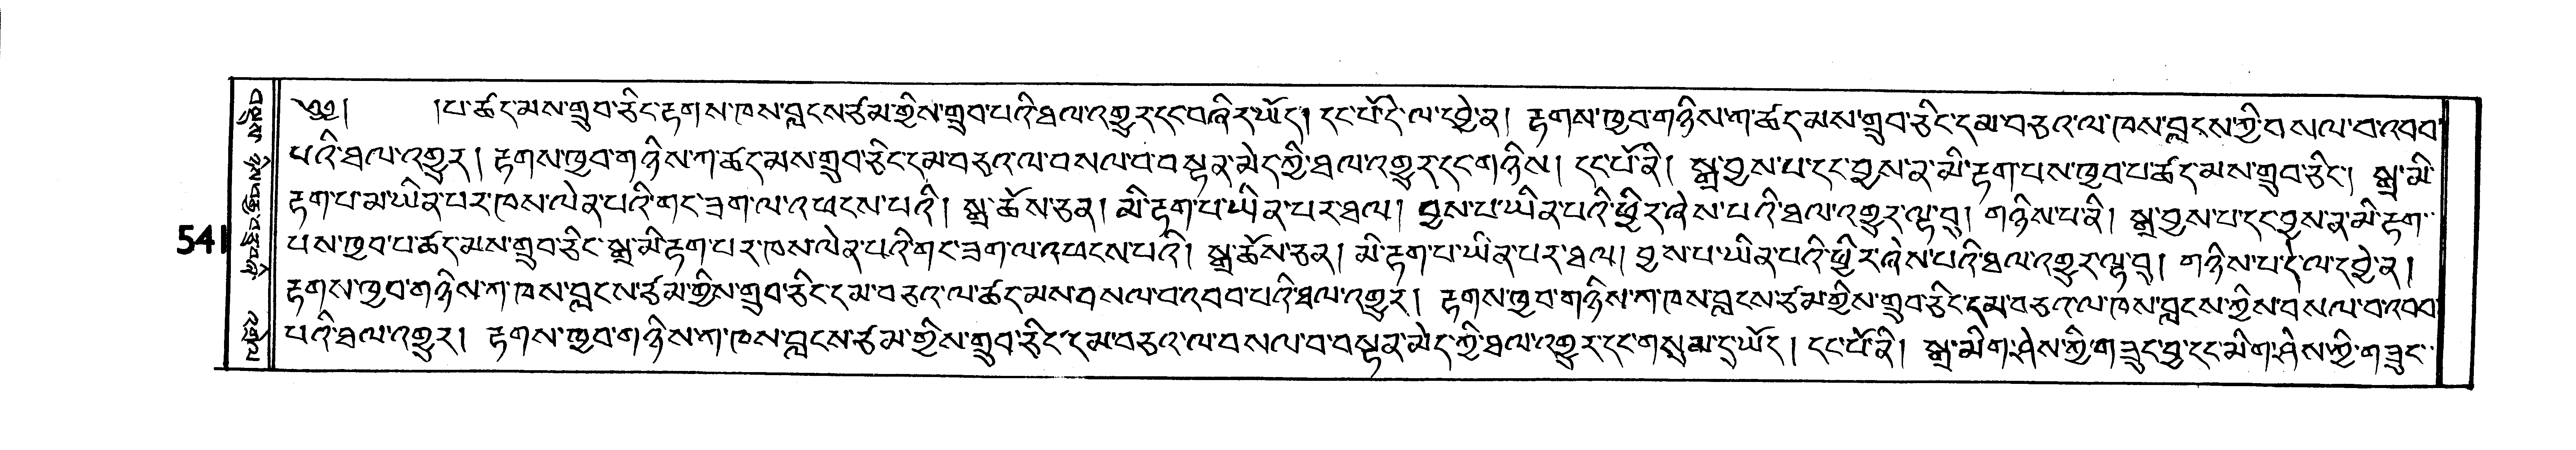༄༅། །པ་ཚད་མས་གྲུབ་ཅིང་རྟགས་ཁས་བླངས་ཙམ་གྱིས་གྲུབ་པའི་ཐལ་འགྱུར་དང་བཞིར་ཡོད། དང་པོ་དེ་ལ་དབྱེ་ན། རྟགས་ཁྱབ་གཉིས་ག་ཚད་མས་གྲུབ་ཅིང་དམ་བཅའ་ལ་ཁས་བླངས་ཀྱི་བསལ་བ་འབབ་
པའི་ཐལ་འགྱུར། རྟགས་ཁྱབ་གཉིས་ཀ་ཚད་མས་གྲུབ་ཅིང་དམ་བཅའ་ལ་བསལ་བ་བསྟན་མེད་ཀྱི་ཐལ་འགྱུར་དང་གཉིས། དང་པོ་ནི། སྒྲ་བྱས་པ་དང་བྱས་ན་མི་རྟག་པས་ཁྱབ་པ་ཚད་མས་གྲུབ་ཅིང་། སྒྲ་མི་
རྟག་པ་མ་ཡིན་པར་ཁས་ལེན་པའི་གང་ཟག་ལ་འཕངས་པའི། སྒྲ་ཆོས་ཅན། མི་རྟག་པ་ཡིན་པར་ཐལ། བྱས་པ་ཡིན་པའི་ཕྱིར་ཞེས་པའི་ཐལ་འགྱུར་ལྟ་བུ། གཉིས་པ་ནི། སྒྲ་བྱས་པ་དང་བྱས་ན་མི་རྟག་
པས་ཁྱབ་པ་ཚད་མས་གྲུབ་ཅིང་སྒྲ་མི་རྟག་པར་ཁས་ལེན་པའི་གང་ཟག་ལ་འཕངས་པའི། སྒྲ་ཆོས་ཅན། མི་རྟག་པ་ཡིན་པར་ཐལ། བྱས་པ་ཡིན་པའི་ཕྱིར་ཞེས་པའི་ཐལ་འགྱུར་ལྟ་བུ། གཉིས་པ་དེ་ལ་དབྱེ་ན།
རྟགས་ཁྱབ་གཉིས་ཀ་ཁས་བླངས་ཙམ་གྱིས་གྲུབ་ཅིང་དམ་བཅའ་ལ་ཚད་མས་བསལ་བ་འབབ་པའི་ཐལ་འགྱུར། རྟགས་ཁྱབ་གཉིས་ཀ་ཁས་བླངས་ཙམ་གྱིས་གྲུབ་ཅིང་དམ་བཅའ་ལ་ཁས་བླངས་ཀྱིས་བསལ་བ་འབབ་
པའི་ཐལ་འགྱུར། རྟགས་ཁྱབ་གཉིས་ཀ་ཁས་བླངས་ཙམ་གྱིས་གྲུབ་ཅིང་དམ་བཅའ་ལ་བསལ་བ་བསྟན་མེད་ཀྱི་ཐལ་འགྱུར་དང་གསུམ་དུ་ཡོད། དང་པོ་ནི། སྒྲ་མིག་ཤེས་ཀྱི་གཟུང་བྱ་དང་མིག་ཤེས་ཀྱི་གཟུང་